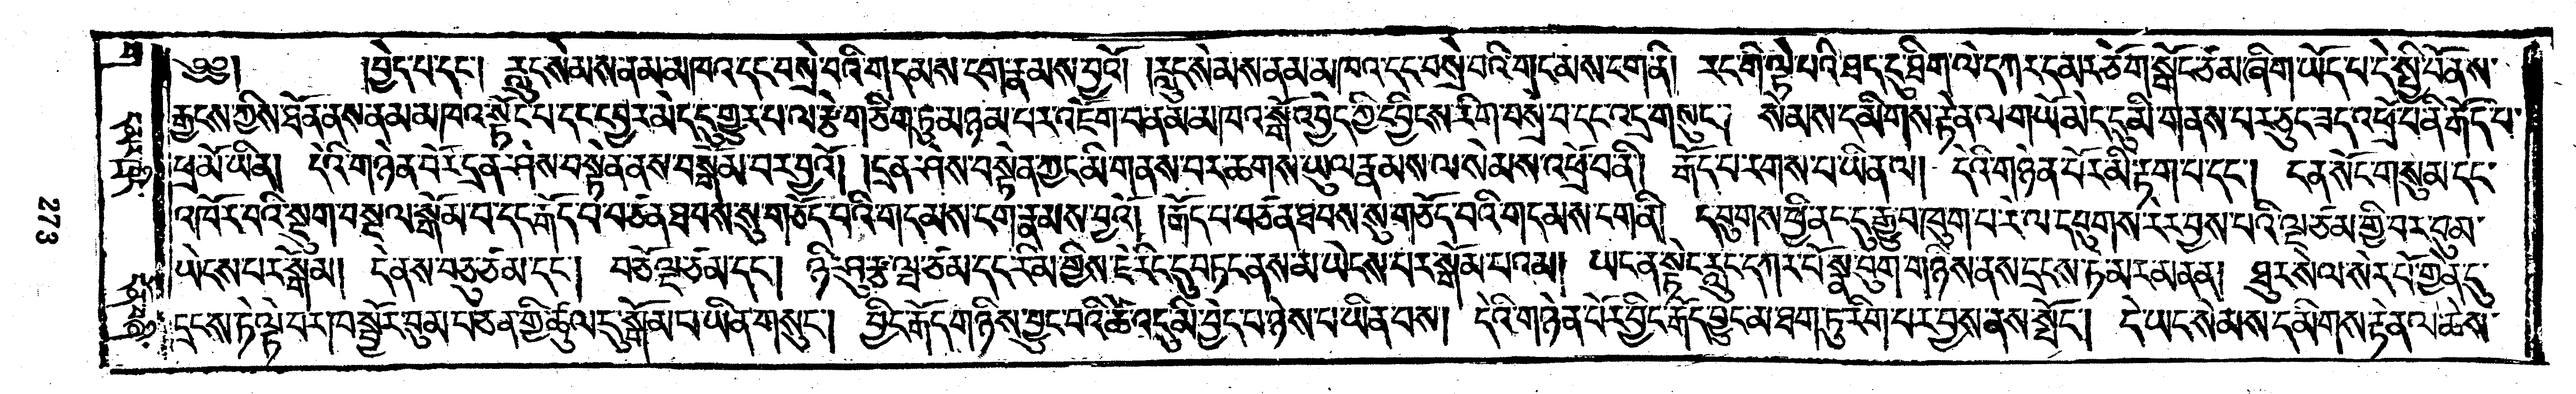༄༅། །བྱེད་པ་དང་། རླུང་སེམས་ནམ་མཁའ་དང་བསྲེ་བའི་གདམས་ངག་རྣམས་བྱའོ། །རླུང་སེམས་ནམ་མཁའ་དང་བསྲེ་བའི་གདམས་ངག་ནི། རང་གི་ལྟེ་བའི་ཐད་དུ་ཐིག་ལེ་དཀར་དམར་ཅོག་སྒོང་ཙམ་ཞིག་ཡོད་པ་དེ་སྤྱི་བོ་ནས་
རྒྱངས་ཀྱིས་ཐོན་ནས་ནམ་མཁའ་སྟོང་པ་དང་དབྱར་མེད་དུ་གྱུར་པ་ལ་རྩེ་གཅིག་ཏུ་མཉམ་པར་འཇོག་བ་ནམ་མཁའ་སྒོ་འབྱེད་ཀྱི་དབྱིངས་རིག་བསྲེ་བ་དང་འདྲ་གསུང༑ སེམས་དམིགས་རྟེན་ལ་གཡོ་མེད་དུ་མི་གནས་པར་ཅུང་ཟད་འཕྲོ་བ་ནི་རྒོད་པ་
ཕྲ་མོ་ཡིན། དེའི་གཉེན་པོར་དྲན་ཤེས་བསྟེན་ནས་བསྒོམ་བར་བྱའོ། །དྲན་ཤེས་བསྟེན་ཀྱང་མི་གནས་བར་ཆགས་ཡུལ་རྣམས་ལ་སེམས་འཕྲོ་བ་ནི། རྒོད་པ་རགས་པ་ཡིན་ལ། དེའི་གཉེན་པོར་མི་རྟག་པ་དང་། ངན་སོང་གསུམ་དང་
འཁོར་བའི་སྡུག་བསྔལ་སྒོམ་བ་དང་རྒོད་བ་བ་ཙན་ཐབས་སུ་གཅོད་བའི་གདམས་ངག་རྣམས་བྱའོ། །རྒོད་པ་བཙན་ཐབས་སུ་གཅོད་བའི་གདམས་ངག་ནི། དབུགས་ཕྱི་ནང་དུ་རྒྱུ་བ་ཁུག་པ་རེ་ལ་དབུགས་རེར་བྱས་པའི་ལྔ་ཙམ་གྱི་བར་བུམ་
ཡེངས་པར་སྒོམ། དེ་ནས་བཅུ་ཙམ་དང་། བཅོ་ལྔ་ཙམ་དང་། ཉི་ཤུ་རྩ་ལྔ་ཙམ་དང་རིམ་གྱིས་ཇེ་རིང་དུ་བཏང་ནས་མ་ཡེངས་པར་སྒོམ་པའམ། ཡང་ན་སྟེང་རླུང་དཀར་པོ་སྣ་བུག་གཉིས་ནས་དྲངས་ཏེ་མར་མནན། ཐུར་སེལ་སེར་པོ་གྱེན་དུ་
དྲངས་ཏེ་ལྟེ་བར་ཁ་སྦྱོར་བུམ་པ་ཅན་གྱི་ཚུལ་དུ་སྒོམ་བ་ཡིན་གསུང་། བྱིང་རྒོད་གཉིས་བྱུང་བའི་ཚེ་འདུ་མི་བྱེད་པ་ཉེས་པ་ཡིན་བས། དེའི་གཉེན་པོར་བྱིང་རྒོད་བྱུང་མ་ཐག་ཏུ་རིག་པར་བྱས་ནས་སྤོང་། དེ་ཡང་སེམས་དམིགས་རྟེན་ལ་ཆེས་